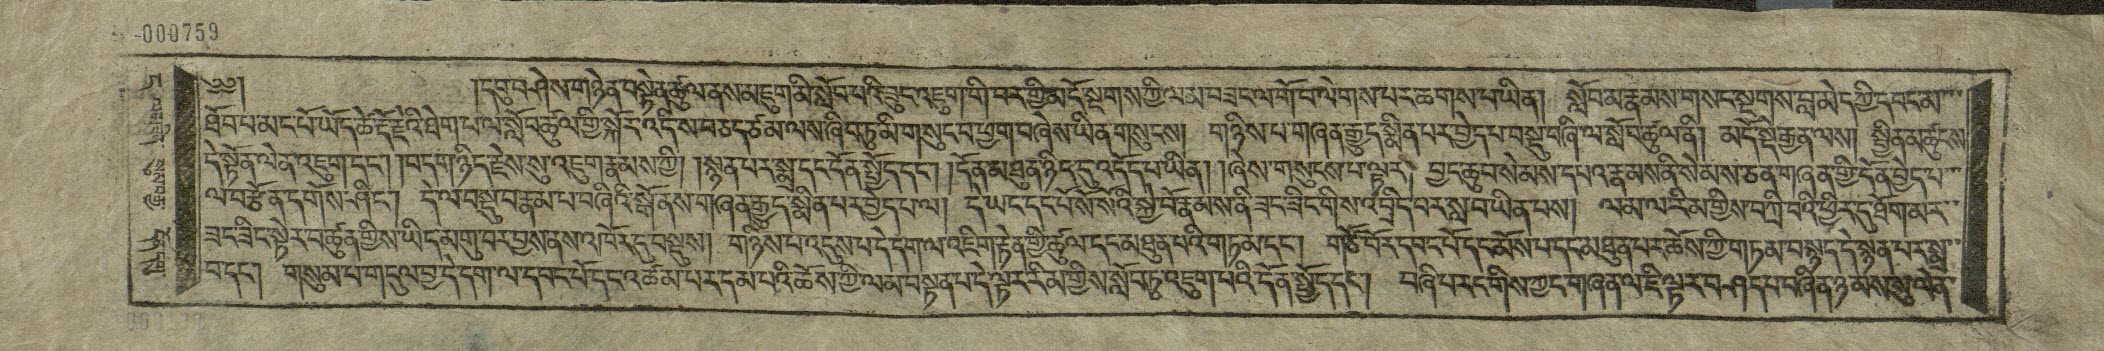༄༅། །དབུ་བཤེས་གཉེན་བསྟེན་ཚུལ་ནས་མཇུག་མི་སློབ་པའི་ཟུང་འཇུག་གི་བར་གྱི་མདོ་སྔགས་ཀྱི་ལམ་བཟང་ལ་གོ་བ་ལེགས་པར་ཆགས་པ་ཡིན། སློབ་མ་རྣམས་གསང་སྔགས་བླ་མེད་ཀྱི་དབང་མ་
ཐོབ་པ་མང་པོ་ཡོད་ཚེ་རྡོ་རྗེའི་ཐེག་པ་ལ་སློབ་ཚུལ་གྱི་སྐོར་འདི་ས་བཅད་ཙམ་ལས་ཞིབ་ཏུ་མི་གསུང་བ་ཕྱག་བཞེས་ཡིན་གསུངས། གཉིས་པ་གཞན་རྒྱུད་སྨིན་པར་བྱེད་པ་བསྡུ་བཞི་ལ་སློབ་ཚུལ་ནི། མདོ་སྡེ་རྒྱན་ལས། སྦྱིན་མཚུངས་
དེ་སྟོན་ལེན་འཇུག་དང་། །བདག་ཉིད་རྗེས་སུ་འཇུག་རྣམས་ཀྱི། །སྙན་པར་སྨྲ་དང་དོན་སྤྱོད་དང་། །དོན་མཐུན་ཉིད་དུ་འདོད་པ་ཡིན། །ཞེས་གསུངས་པ་ལྟར། བྱང་ཆུབ་སེམས་དཔའ་རྣམས་ནི་སེམས་ཅན་གཞན་གྱི་དོན་བྱེད་པ་
ལ་བརྩོན་དགོས་ཤིང་། དེ་ལ་བསྡུ་བ་རྣམ་པ་བཞིའི་སྒོ་ནས་གཞན་རྒྱུད་སྨིན་པར་བྱེད་པ་ལ། དེ་ཡང་དང་པོ་སོ་སོའི་སྐྱེ་བོ་རྣམས་ནི་ཟང་ཟིང་གིས་འབྲིད་པར་སླ་བ་ཡིན་པས། ལམ་ལ་རིམ་གྱིས་བཀྲི་བའི་ཕྱིར་དུ་ཐོག་མར་
ཟང་ཟིང་སྟེར་བ་ཚུན་གྱིས་ཡིད་མགུ་བར་བྱས་ནས་འཁོར་དུ་བསྡུས། གཉིས་པ་འདུས་པ་དེ་དག་ལ་འཇིག་རྟེན་གྱི་ཚུལ་དང་མཐུན་པའི་གཙམ་དང་། གཙོ་བོར་དབང་པོ་དང་མོས་པ་དང་མཐུན་པར་ཆོས་ཀྱི་གཏམ་བསྙད་དེ་སྙན་པར་སྨྲ་
བ་དང་། གསུམ་པ་གདུལ་བྱ་དེ་དག་ལ་དབང་པོ་དང་འཚམ་པར་དམ་པའི་ཆོས་ཀྱི་ལམ་བསྟན་པ་དེ་ལྟར་རིམ་གྱིས་སློབ་ཏུ་འཇུག་པའི་དོན་སྤྱོད་དང་། བཞི་པ་རང་གིས་ཀྱང་གཞན་ལ་ཇི་ལྟར་བཤད་པ་བཞིན་ཉམས་སུ་ལེན་